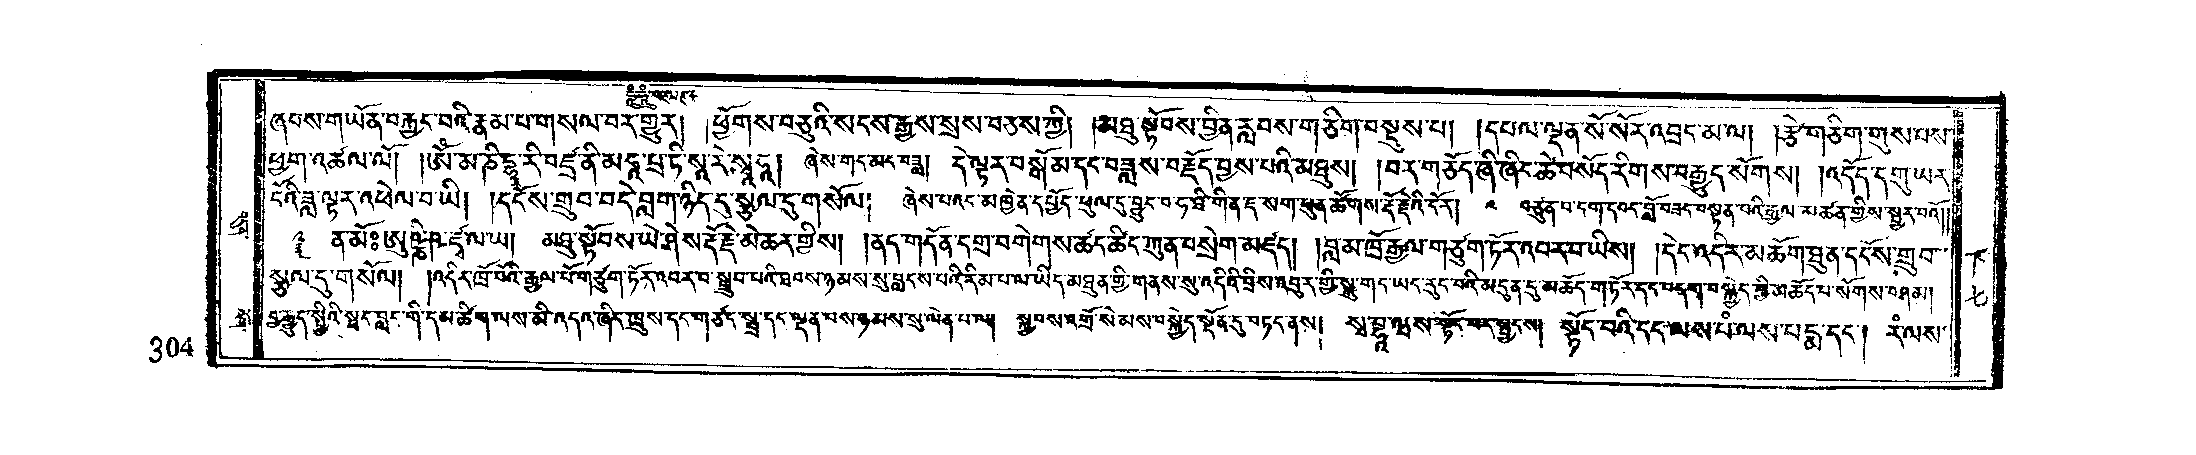ཞབས་གཡོན་བརྐྱང་བའི་རྣམ་པ་གསལ་བར་གྱུར། །ཕྱོགས་བཅུའི་སངས་རྒྱས་སྲས་བཅས་ཀྱི། །མཐུ་སྟོབས་བྱིན་རླབས་གཅིག་བསྡུས་པ། །དཔལ་ལྡན་སོ་སོར་འབྲང་མ་ལ། །རྩེ་གཅིག་གུས་པས་
ཕྱག་འཚལ་ལོ། །ཨོཾ་མ་ཎི་དྷཱ་རི་བཛྲ་ནི་མཧཱ་པྲ་ཏི་སཱ་རེ་སྭཱཧཱ། ཞེས་གད་མང་བཟླ། དེ་ལྟར་བསྒོམ་དང་བཟླས་བརྗོད་བྱས་པའི་མཐུས། །བར་གཅོད་ཞི་ཞིང་ཚེ་བསོད་རིགས་བརྒྱུད་སོགས། །འདོད་དགུ་ཡར་
ངོའི་ཟླ་ལྟར་འཕེལ་བ་ཡི། །དངོས་གྲུབ་བདེ་བླག་ཉིད་དུ་སྩལ་དུ་གསོལ། ཞེས་པའང་མཁྱེན་དཔྱོད་ཕུལ་དུ་བྱུང་བ་ཧ་ཐི་གིན་ཇ་སག་ཕུན་ཚོགས་རྡོ་རྗེའི་ངོར། བཙུན་པ་ངག་དབང་བློ་བཟང་བསྟན་པའི་རྒྱལ་མཚན་གྱིས་སྦྱར་བའོ། །
ན་མོཿ ཨུཥྞི་ཥ་ཛྭ་ལ་ཡ། མཐུ་སྟོབས་ཡེ་ཤེས་རྡོ་རྗེ་མེ་ཆར་གྱིས། །ནད་གདོན་དགྲ་བགེགས་ཚང་ཚིང་ཀུན་བསྲེག་མཛད། །བླ་མ་ཁྲོ་རྒྱལ་གཙུག་ཏོར་འབར་བ་ཡིས། །དེང་འདིར་མཆོག་ཐུན་དངོས་གྲུབ་
སྩལ་དུ་གསོལ། །འདིར་ཁྲོ་བོའི་རྒྱལ་པོ་གཙུག་ཏོར་འབར་བ་སྒྲུབ་པའི་ཐབས་ཉམས་སུ་བླངས་པའི་རིམ་པ་ལ་ཡིད་མཐུན་གྱི་གནས་སུ་འདིའི་བྲིས་འབུར་གྱི་སྐུ་གང་ཡང་རུང་བའི་མདུན་དུ་མཆོད་གཏོར་དང་བདག་བསྐྱེད་ཀྱི་མཆོད་པ་སོགས་བཤམ།
བྱ་རྒྱུད་སྤྱིའི་སྤང་བླང་གི་དམ་ཚིག་ལས་མི་འདའ་ཞིང་ཁྲུས་དང་གཙང་སྦྲ་དང་ལྡན་པས་ཉམས་སུ་ལེན་པ་ལ། སྐྱབས་འགྲོ་སེམས་བསྐྱེད་སྔོན་དུ་བཏང་ནས། སྭ་བྷཱ་ཝས་སྟོང་པར་སྦྱངས། སྟོང་པའི་ངང་ལས་པཾ་ལས་པདམ་དང་། རཾ་ལས་